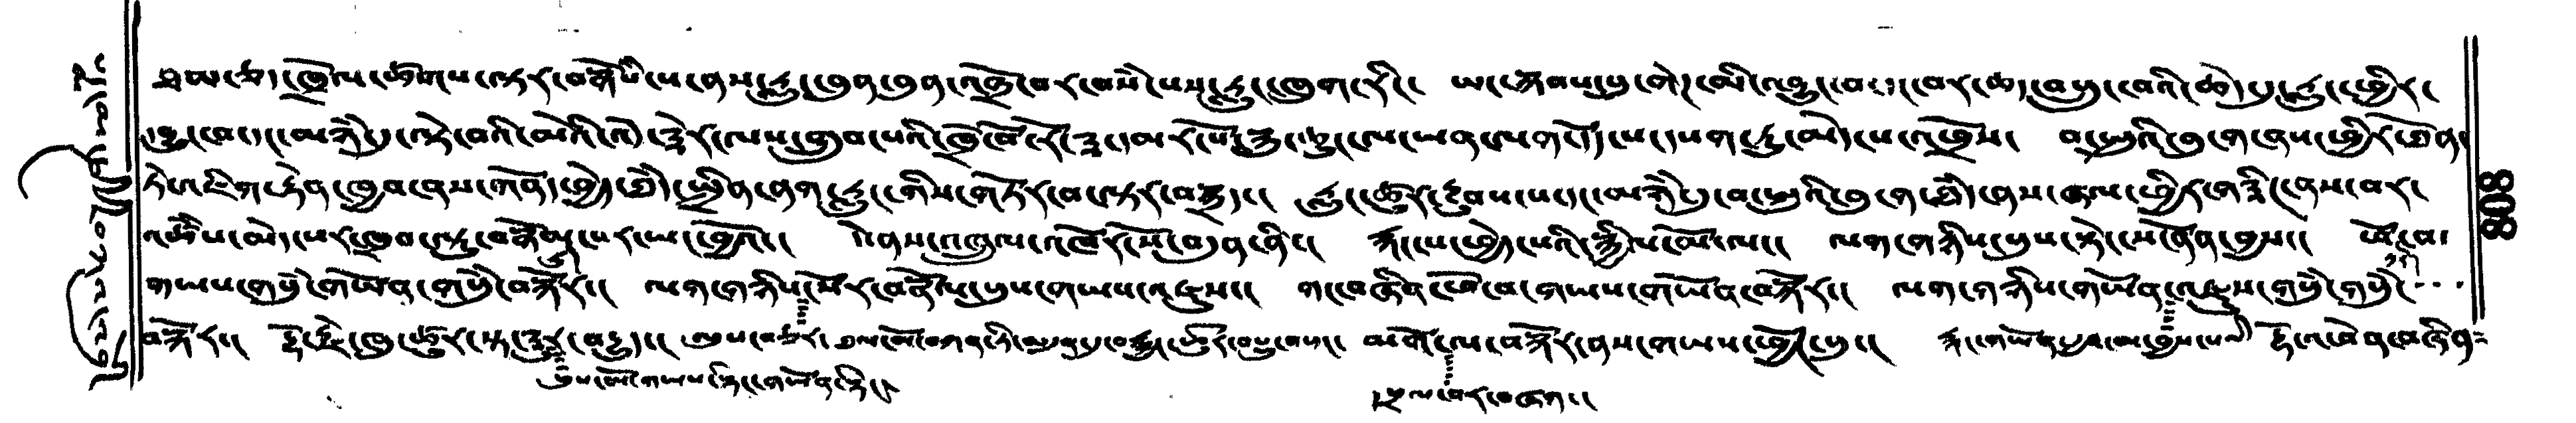ཐམས་ཅད་ཁྲོལ་ཚགས་ལྟར་བསྒོམ་པ་ནས་རླུང་བུན་བུན་འགྲོ་བར་བསམ་པས་རླུང་ཁུགས་རིང་། ཡང་སྐབས་སུ་གེགས་མི་འབྱུང་བ་དང་བར་ཆད་བསྲུང་བའི་ཆེད་དུ་རླུང་ཕྱིར་
དབྱུང་བ་དང་མཉམ་དུ་ལྟེ་བའི་མེའི་འོད་ཟེར་ལས་གྲུབ་པའི་ཁྲོ་བོ་རོ་ཟ་དམར་པོ་སྐུ་ཆུང་ལ་ཡན་ལག་དོད་པ་དཔག་ཏུ་མེད་པ་འཕྲོས། བ་སྤུའི་བུ་ག་ནས་ཕྱིར་ཐོན་
ཏེ་འཇིག་རྟེན་ཁྱབ་ནས་གནོད་བྱེད་ཐམས་ཅད་སྤྲིན་ནག་རླུང་གིས་གཏོར་བ་ལྟར་བསྐྲད། རླུང་ཚུར་རྔུབས་པ་དང་མཉམ་དུ་བ་སྤུའི་བུ་ག་ཐམས་ཅད་ནས་ཞལ་ཕྱིར་གཟིགས་ནས་བར་
མཚམས་མེད་པར་ཁྲབ་ལྟ་བུ་བསྒོམ་པར་ཡང་བྱའོ། དེ་ནས་འཁྲུལ་འཁོར་སོ་བདུན་ནི། །རྐང་པ་ཕྱེད་པའི་སྐྱིལ་མོ་ལ། །ལག་གཉིས་པུས་སྟེང་ས་ནོན་བྱས། །ཕོ་བ་
གཡས་གསུམ་གཡོན་གསུམ་བསྐོར། །ལག་གཉིས་སོར་བསྣོལ་པུས་གཡས་འཇུས། །གོང་བཞིན་ཕོ་བ་གཡས་གཡོན་བསྐོར། །ལག་གཉིས་ཡོན་འཇུས་གསུམ་གསུམ་
བསྐོར། །རྡོ་རྗེའི་ཁུ་ཚུར་སྟ་ཟུར་བརྒྱུད། །མགོ་ལ་བསྐོར་ནས་གཡས་ཕྱོགས་སུ། །རྡོ་འཕེན་བཞིན་